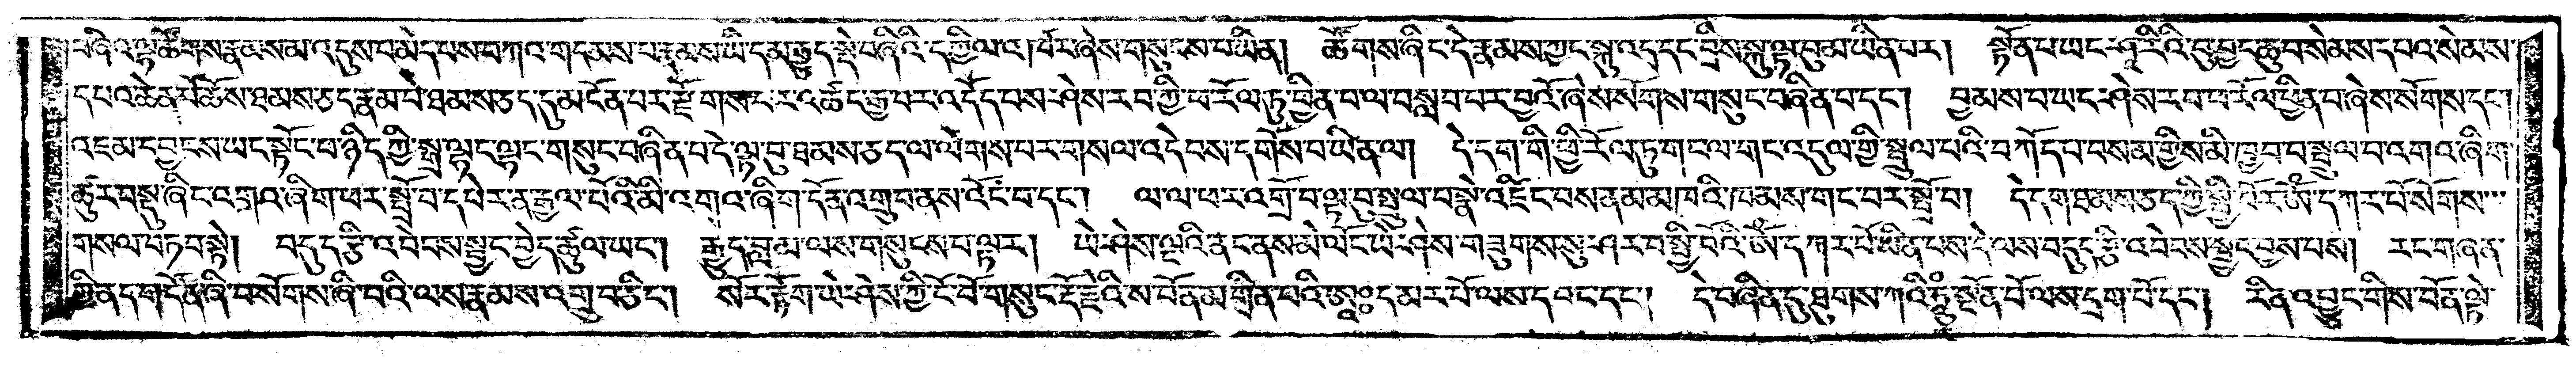བཞིའི་ལྷ་ཚོགས་རྣམས་མ་འདུས་པ་མེད་པས་བཀའ་གདམས་པ་རྣམས་ཡི་དམ་རྒྱུད་སྡེ་བཞིའི་དཀྱིལ་འཁོར་ཞེས་གསུངས་པ་ཡིན། ཚོགས་ཞིང་དེ་རྣམས་ཀྱང་སྐུ་འདྲ་དང་བྲིས་སྐུ་ལྟ་བུ་མ་ཡིན་པར། སྟོན་པ་ཡང་ཤཱ་རིའི་བུ་བྱང་ཆུབ་སེམས་དཔའ་སེམས་
དཔའ་ཆེན་པོ་ཆོས་ཐམས་ཅད་རྣམ་པ་ཐམས་ཅད་དུ་མངོན་པར་རྫོགས་པར་འཚང་རྒྱ་པར་འདོད་པས་ཤེས་རབ་ཀྱི་ཕ་རོལ་ཏུ་ཕྱིན་པ་ལ་བསླབ་པར་བྱའོ་ཞེས་སོགས་གསུང་བཞིན་པ་དང་། བྱམས་པ་ཡང་ཤེས་རབ་ཕ་རོལ་ཕྱིན་ལ་ཞེས་སོགས་དང་།
འཇམ་དབྱངས་ཡང་སྟོང་པ་ཉིད་ཀྱི་སྒྲ་ལྷང་ལྷང་གསུང་བཞིན་པ་དེ་ལྟ་བུ་ཐམས་ཅད་ལ་ལེགས་པར་གསལ་འདེབས་དགོས་པ་ཡིན་ལ། དེ་དག་གི་ཕྱི་རོལ་ཏུ་གང་ལ་གང་འདུལ་གྱི་སྤྲུལ་བའི་བཀོད་པ་བསམ་གྱིས་མི་ཁྱབ་བ་སྤྲུལ་བ་འགའ་ཞིག་
ཚུར་བསྡུ་ཞིང་འགའ་ཞིག་ཕར་སྤྲོ་བ་དཔེར་ན་རྒྱལ་པོའི་མི་འགའ་ཞིག་དོན་འགྲུབ་ནས་འོང་བ་དང་། ལ་ལ་ཕར་འགྲོ་བ་ལྟ་བུ་སྤྲུལ་པ་སྣེ་འཛིང་བས་ནམ་མཁའི་ཁམས་གང་བར་སྤྲོ་བ། དེ་དག་ཐམས་ཅད་ཀྱི་སྤྱི་བོར་ཨོཾ་དཀར་པོ་སོགས་
གསལ་བཏབ་སྟེ། བདུད་རྩི་འབབས་སྦྱང་བྱེད་ཚུལ་ཡང་། རྒྱུད་བླ་མ་ལས་གསུངས་པ་ལྟར། ཡེ་ཤེས་ལྔའི་ནང་ནས་མེ་ལོང་ཡེ་ཤེས་གཟུགས་སུ་ཤར་བ་སྤྱི་བོའི?་ཨོཾ་དཀར་པོ་ཡིན་པས་དེ་ལས་བདུད་རྩི་འབེབས་སྦྱང་བྱས་པས། རང་གཞན་
གྱི་ནད་གདོན་ཞི་བ་སོགས་ཞི་བའི་ལས་རྣམས་འགྲུབ་ཅིང་། སོར་རྟོག་ཡེ་ཤེས་ཀྱི་ངོ་བོ་གསུང་རྡོ་རྗེའི་ས་བོན་མ་གྲིན་པའི་ཨཱཿདམར་པོ་ལས་དབང་དང་། དེ་བཞིན་དུ་ཐུགས་ཀའི་ཧཱུཾ་སྔོན་པོ་ལས་དྲག་པོ་དང་། རིན་འབྱུང་གིས་བོན་ལྟེ་